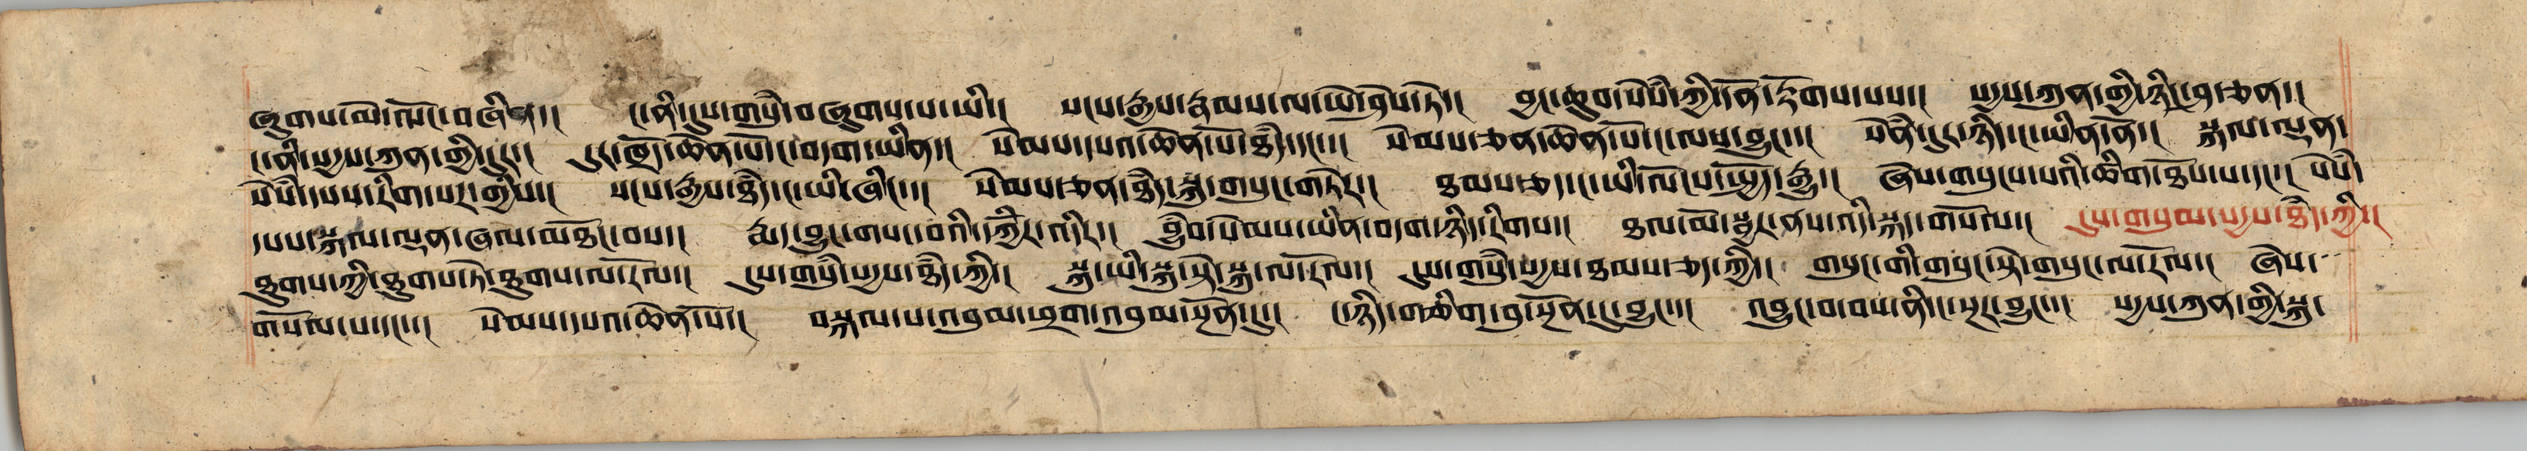ཞུགས་མེ་ལོང་བཞིན་། ང་ནི་དུས་གསུཾ་བཞུགས་པ་ཡི་། སངས་རྒྱས་རྣམས་ལ་ཡེ་ཤེས་ཏེ་། བྱང་ཆུབ་སེསཾ་ཀྱི་དོན་རྟོགས་པས་། སདྱས་ཀུན་གྱི་ཉིང་ཤ་ཅན་།
ང་ནི་སདྱས་ཀུན་གྱི་དུར་། དུར་ཁྲོད་ཆེན་པོ་ང་བདག་ཡིན་། སེམས་དཔའ་ཆེན་པོ་ཐཾད་དང་་། སེམས་ཅན་ཆེན་པོ་ང་ལས་བྱུང་་། སེནཾ་དུར་ཉིད་ང་ཡིན་ནོ་། སྐལ་ལྡན་
སེསཾ་དསས་རིག་པར་གྱིས་། སངས་རྒྱས་ཐཾད་ང་ཡི་ཞིང་་། སེམས་ཅན་ཐཾད་སྐུ་གསུང་གཏེར་། ཐམས་ཅད་ང་ཡི་ལོངས་སྤྱོད་རྒྱུ་། ཞེས་གསུངས་པའི་ཚིག་ཐོས་པ་དང་་། སེསཾ་
དསས་སྐལ་ལྡན་ཞལ་མཐོང་བས་། རྨད་བྱུང་གསང་བའི་དཀྱོིར་འདིར་། བྱུཾབ་སེམས་ཡིན་བདག་ཉིད་རིགས་། ཐལ་མོ་སྦྱར་ནས་འདི་སྐད་གསོལ་། དུས་གསུམ་སདྱས་ཐཾད་ཀྱི་།
ཐུགས་ཀྱི་ཐུགས་ཏེ་ཐུགས་ལ་རོལ་། དུས་གསུཾ་སདྱས་ཐཾད་ཀྱི་། སྐུ་ཡི་སྐུ་སྟེ་སྐུ་ལ་རོལ་། དུས་གསུཾ་སདྱས་ཐམས་ཅད་ཀྱི་། གསུང་གི་གསུང་སྟེ་གསུང་ལ་རོལ་། ཞེས་
གསོལ་པ་དང་་། སེམས་དཔའ་ཆེན་པོ་། བསྐལ་པ་འབུམ་ཕྲག་འབུམ་སྔོན་དུ་། ང་ཉིད་གཅིག་པུ་སྔོན་དུ་བྱུང་་། འབྱུང་བ་བས་ནི་ང་སྔར་བྱུང་་། སདྱས་ཀུན་གྱི་སྐུ་